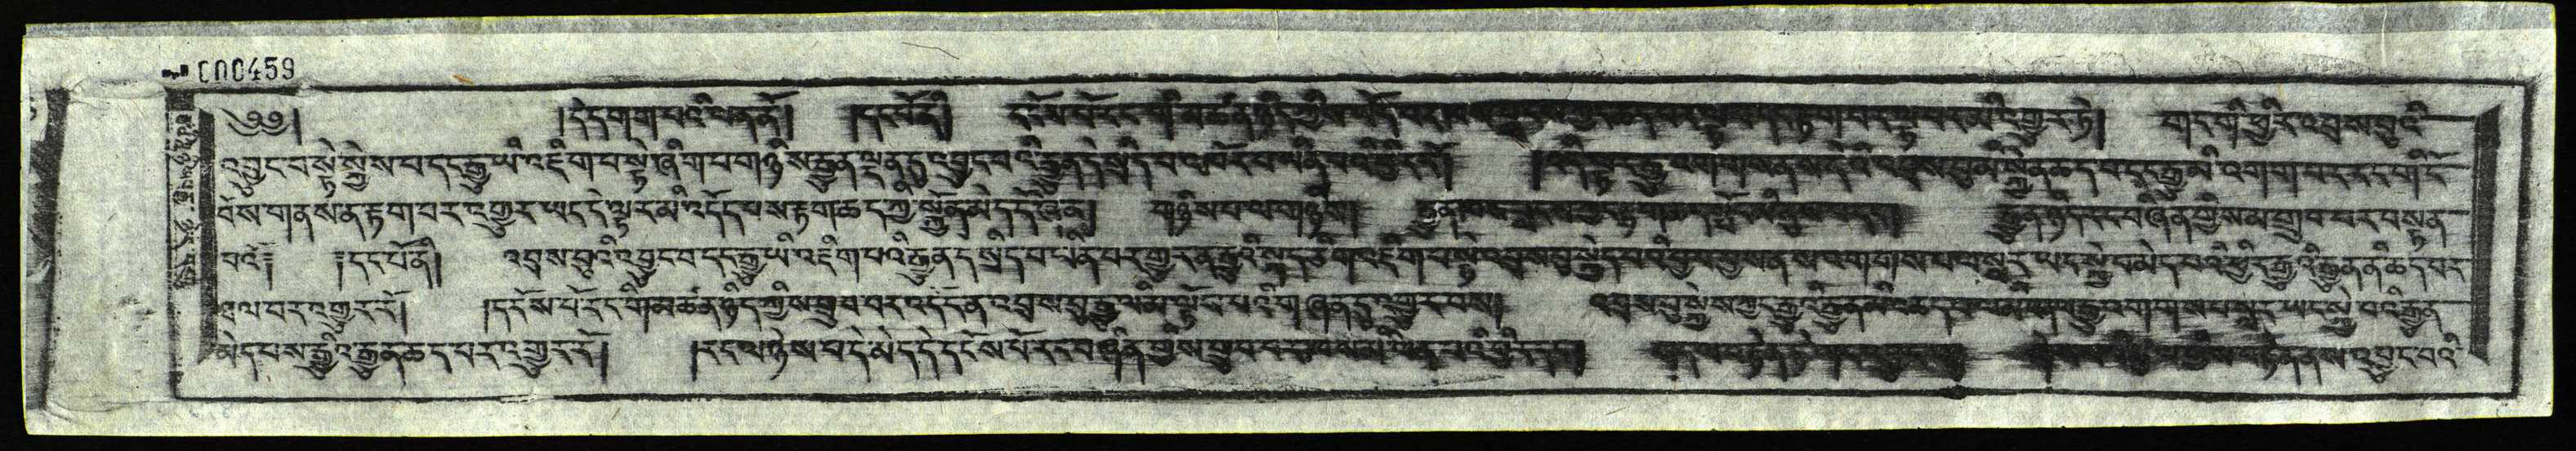༄༅། །དེ་དགག་པའི་ལན་ནོ། །དང་པོ་ནི། དངོས་པོ་རང་གི་མཚན་ཉིད་ཀྱིས་ཡོད་པར་ཁས་བླངས་ཀྱང་ཆད་པར་ལྟ་བ་དང་རྟག་པར་ལྟ་བར་མི་འགྱུར་ཏེ། གང་གི་ཕྱིར་འབྲས་བུའི་
འབྱུང་བ་སྟེ་སྐྱེས་པ་དང་རྒྱུ་ཡི་འཇིག་པ་སྟེ་ཞིག་པ་གཉིས་རྒྱུན་ལྡན་དུ་འབྱུང་བའི་རྒྱུན་དེ་སྲིད་པ་འཁོར་བ་ཡིན་པའི་ཕྱིར་རོ། །འདི་ལྟར་རྒྱུ་འགགས་ནས་དེའི་འབྲས་བུ་མི་སྐྱེན་ཆད་བ་དང་རྒྱུ་མི་འགག་པར་རང་གི་ངོ་
བོས་གནས་ན་རྟག་པར་འགྱུར་ཡང་དེ་ལྟར་མི་འདོད་པས་རྟག་ཆད་ཀྱི་སྐྱོན་མེད་དོ་ཞེ་ན། གཉིས་པ་ལ་གཉིས། རྒྱུན་ཁས་བླངས་ཀྱང་རྟག་ཆད་སྤོང་མི་ནུས་པ་དང་། རྒྱུན་ཉིད་རང་བཞིན་གྱིས་མ་གྲུབ་པར་བསྟན་
པའོ༑ ༑དང་པོ་ནི། འབྲས་བུའི་འབྱུང་བ་དང་རྒྱུ་ཡི་འཇིག་པའི་རྒྱུན་དེ་སྲིད་པ་ཡིན་པར་གྱུར་ན་རྒྱུའི་སྐད་ཅིག་འཇིག་པ་སྟེ་འབྲས་བུ་སྐྱེད་པའི་བྱ་བ་བྱས་ནས་འགགས་པ་ལ་སླར་ཡང་སྐྱེ་བ་མེད་པའི་ཕྱིར་རྒྱུའི་རྒྱུན་ནི་ཆད་བར་
ཐལ་བར་འགྱུར་རོ། །དངོས་པོ་རང་གི་མཚན་ཉིད་ཀྱིས་གྲུབ་བར་འདོད་ན་འབྲས་བུ་རྒྱུ་ལ་མི་ལྟོས་པའི་གཞན་དུ་འགྱུར་བས། འབྲས་བུ་སྐྱེས་ཀྱང་རྒྱུའི་རྒྱུན་མི་འཆད་པ་ལ་མི་གནས་རྒྱུ་འགགས་པ་སླར་ཡང་སྐྱེ་བའི་རྒྱུན་
མེད་པས་རྒྱུའི་རྒྱུན་ཆད་པར་འགྱུར་རོ། །རང་ལ་ཉེས་པ་དེ་མེད་དེ་དངོས་པོ་རང་བཞིན་གྱིས་གྲུབ་པར་ཁས་མི་ལེན་པའི་ཕྱིར་དང་། གང་ལ་བརྟེན་ཏེ་གང་འབྱུང་བ། ཞེས་པའི་རྒྱལ་གྱིས་བརྟེན་ནས་འབྱུང་བའི་